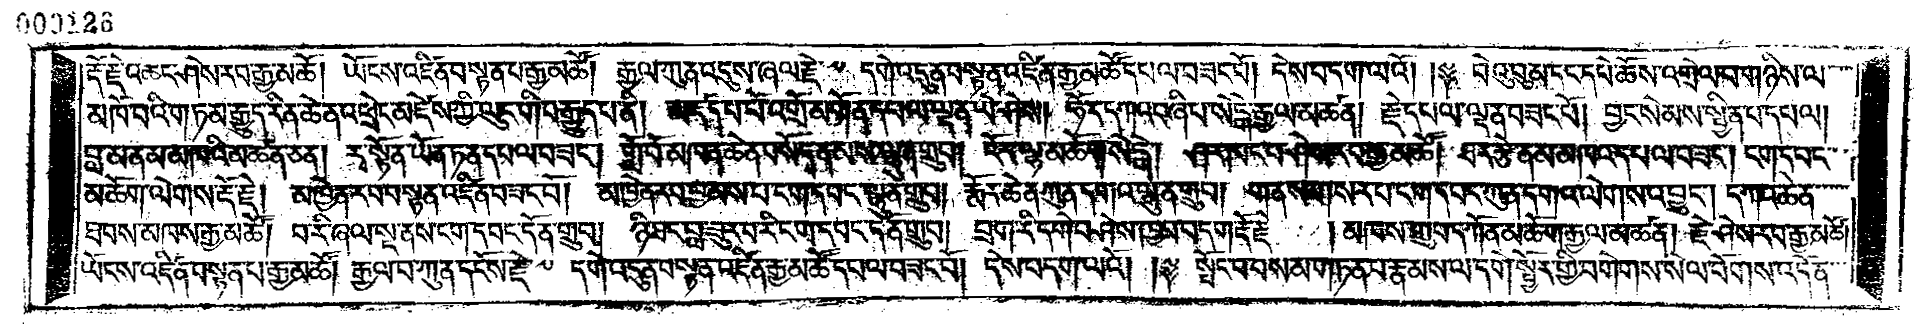རྡོ་རྗེ་འཆང་ཤེས་རབ་རྒྱ་མཚོ། ཡོངས་འཛིན་བསྟན་པ་རྒྱ་མཚོ། རྒྱལ་ཀུན་འདུས་ཞལ་རྗེ ༧་དགེ་འདུན་བསྟན་འཛིན་རྒྱ་མཚོ་དཔལ་བཟང་པོ། དེས་བདག་ལའོ། །༈ བེའུ་བུམ་དང་དཔེ་ཆོས་འགྲེལ་པ་གཉིས་ལ་
མཁོ་བའི་གཏམ་རྒྱུད་རིན་ཆེན་འཕྲེང་མཛེས་ཀྱི་ལུང་གི་བརྒྱུད་པ་ནི། མཛད་པ་པོ་འགྲོ་མགོན་དཔལ་ལྡན་ཡེ་ཤེས། ཧོར་དཀའ་བཞི་པ་སེངྒེ་རྒྱལ་མཚན། རྗེ་དཔལ་ལྡན་བཟང་པོ། བྱང་སེམས་སྦྱིན་པ་དཔལ།
བླ་མ་ནམ་མཁའི་མཚན་ཅན། རྭ་སྟོན་ཡོན་ཏན་དཔལ་བཟང་། གློ་བོ་མཁན་ཆེན་བསོད་ནམས་ལྷུན་གྲུབ། ངོར་ལྷ་མཆོག་སེངྒེ། ཤར་ཁང་བ་ཤེས་རབ་རྒྱ་མཚོ། ཐར་རྩེ་ནམ་མཁའ་དཔལ་བཟང་། ངག་དབང་
མཆོག་ལེགས་རྡོ་རྗེ། མཁྱེན་རབ་བསྟན་འཛིན་བཟང་བོ། མཁྱེན་རབ་བྱམས་པ་ངག་དབང་ལྷུན་གྲུབ། རྨོར་ཆེན་ཀུན་དགའ་ལྷུན་གྲུབ། གནས་གསར་པ་ངག་དབང་ཀུན་དགའ་ལེགས་འབྱུང་། དཀའ་ཆེན་
ཐབས་མཁས་རྒྱ་མཚོ། བ་རི་ཞལ་སྔ་ནས་ངག་དབང་དོན་གྲུབ། ཉི་ཐང་བླ་ཟུར་བ་རི་ངག་དབང་དོན་གྲུབ། བྲག་རི་དགེ་བཤེས་ཁྱབ་བདག་རྡོ་རྗེ་།མཁས་གྲུབ་དཀོན་མཆོག་རྒྱལ་མཚན། རྗེ་ཤེས་རབ་རྒྱ་མཚོ།
ཡོངས་འཛིན་བསྟན་པ་རྒྱ་མཚོ། རྒྱལ་བ་ཀུན་དངོས་རྗེ ༧་དགེ་འདུན་བསྟན་འཛིན་རྒྱ་མཚོ་དཔལ་བཟང་པོ། དེས་བདག་ལའོ། །༈ སྤོང་བ་བསམ་གཏན་པ་རྣམས་ལ་དགེ་སྦྱོར་གྱི་བགེགས་སེལ་བོགས་འདོན་